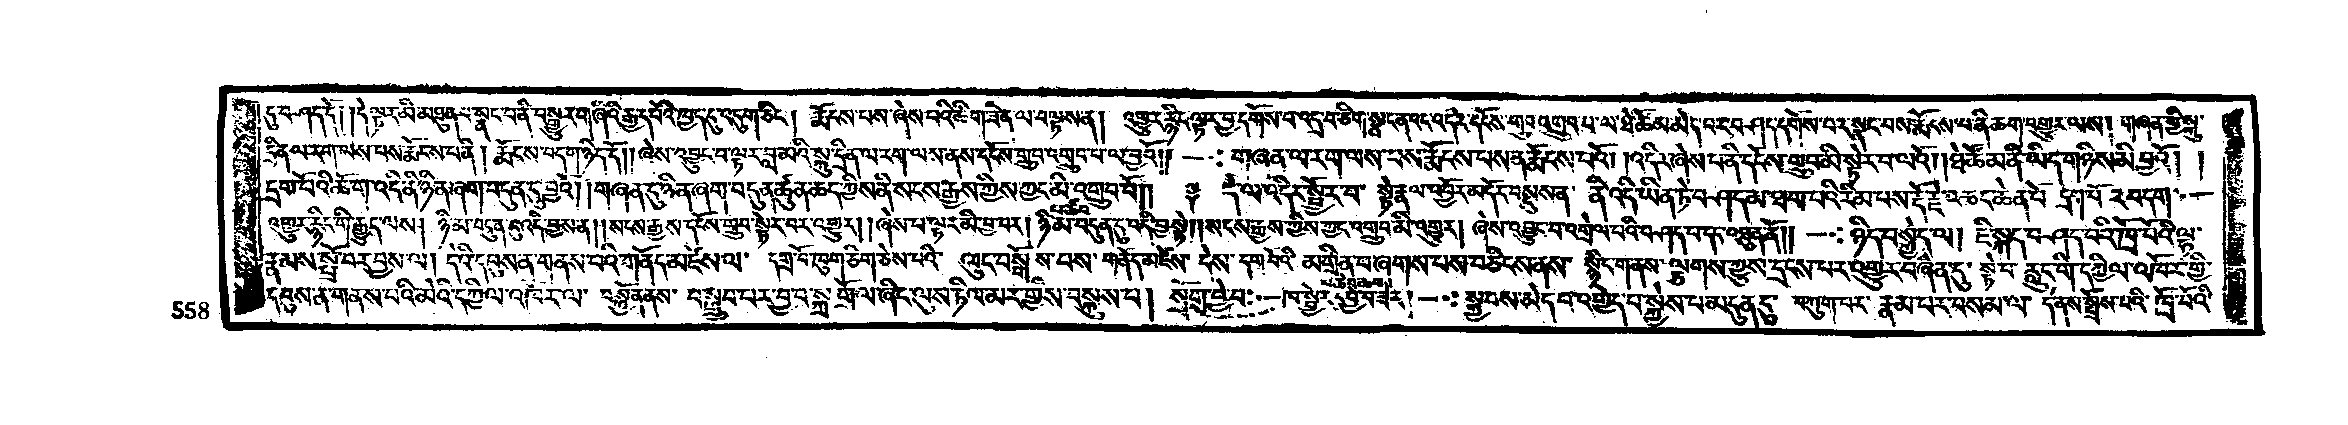དུ་བཤད་དོ། །དེ་ལྟར་མི་མཐུན་པ་སྣང་བ་ནི་བསྒྱུར་གཞིའི་རྒྱ་དཔེའི་ཁྱད་དུ་འདུག་ཅིང་། རྨོངས་པས་ཞེས་པའི་ཚིག་ཟིན་ལ་བལྟས་ན། འགྱུར་རྙིང་ལྟར་བྱ་དགོས་པ་འདྲ་བ་ཅིག་སྣང་ནའང་འདིར་དངོས་གྲུབ་འགྲུབ་པ་ལ་ཐེ་ཚོམ་མེད་པར་བཤད་དགོས་པར་སྣང་བས་རྨོངས་པ་ནི་ཆག་འགྱུར་ལས། གཞན་གྱི་སྐུ་
དྲིན་ལ་རག་ལས་པས་རྨོངས་པ་ནི། རྨོངས་བདག་ཉིད་དོ། །ཞེས་འབྱུང་བ་ལྟར་བླ་མའི་སྐུ་དྲིན་ལ་རག་ལས་ནས་དངོས་གྲུབ་འགྲུབ་པ་ལ་བྱའོ།། .Hགཞན་ལ་རག་ལས་པས་རྨོངས་པས་ན་རྨོངས་པའོ། །འདིར་ཞེས་པ་ནི་དངོས་གྲུབ་མི་སྟེར་བ་ལའོ། །ཐེ་ཚོམ་ནི་ཡིད་གཉིས་མི་བྱའོ།།
དྲག་པོའི་ཆོ་ག་འདི་ཉིན་ཞག་བདུན་དུ་བྱའོ། །གཞན་དུ་ཉིན་ཞག་བདུན་ཚུན་ཆད་ཀྱིས་ནི་སངས་རྒྱས་ཀྱིས་ཀྱང་མི་འགྲུབ་བོ།། ༈ དེ་ལ་འདིར་སྦྱོར་བ་སྟེ་རྣལ་འབྱོར་མདོར་བསྡུས་ན་ནི་འདི་ཡིན་ཏེ་བཤད་མ་ཐག་པའི་རིམ་པས་རྡོ་རྗེ་འཆང་ཆེན་པོ་དྲག་པོར་བདགཿ
འགྱུར་རྙིང་གི་རྒྱུད་ལས། ཉི་མ་བདུན་དུ་འདི་བྱས་ན། །སངས་རྒྱས་དངོས་གྲུབ་སྟེར་བར་འགྱུར། །ཞེས་པ་ལྟར་མི་བྱ་བར། པ་ཚབ་ཉི་མ་བདུན་དུ་འདི་བྱ་སྟེ། །སངས་རྒྱས་ཀྱིས་ཀྱང་འགྲུབ་མི་འགྱུར། ཞེས་འབྱུང་བ་འགྲེལ་པའི་བཤད་པ་དང་འཐུན་ནོ།།  .Hཉིད་བསྐྱེད་ལ། ཇི་སྐད་བཤད་པའི་ཁྲོ་བོའི་ལྷ་
རྣམས་སྤྲོ་བར་བྱས་ལ། དེའི་དབུས་ན་གནས་པའི་གནོད་མཛེས་ལ་དགྲ་བོ་ཁུག་ཅིག་ཅེས་པའི་ལུང་བསྒོས་པས་གནོད་མཛེས་དེས་དགྲ་བོའི་མགྲིན་པ་ཞགས་པས་བཅིངས་ནས་སྙིང་ག་ནས་ལྕགས་ཀྱུས་དྲངས་པར་འགྱུར་བཞིན་དུ་སྟེ་པ་རླུང་གི་དཀྱིལ་འཁོར་གྱི་
དབུས་ན་གནས་པའི་མེའི་དཀྱིལ་འཁོར་ལ་བསྐྱོན་ནས་བསྒྲུབ་པར་བྱ་བ་སྐྲ་གྲོལ་ཞིང་ལུས་ཏིལ་མར་གྱིས་བསྐུས་པ། སྲོག་བྱེ་བཿ་ཁ་སྦྱོར་པ་ཚབ་ཆག་དབྱེ་བ་ཟེར། .H སྐྱབས་མེད་པ་འགྱེད་པ་སྐྱེས་པ་མདུན་དུ་བཀུག་པར་རྣམ་པར་བསམ་ལ་དེ་ནས་སྤྲོས་པའི་ཁྲོ་བོའི་